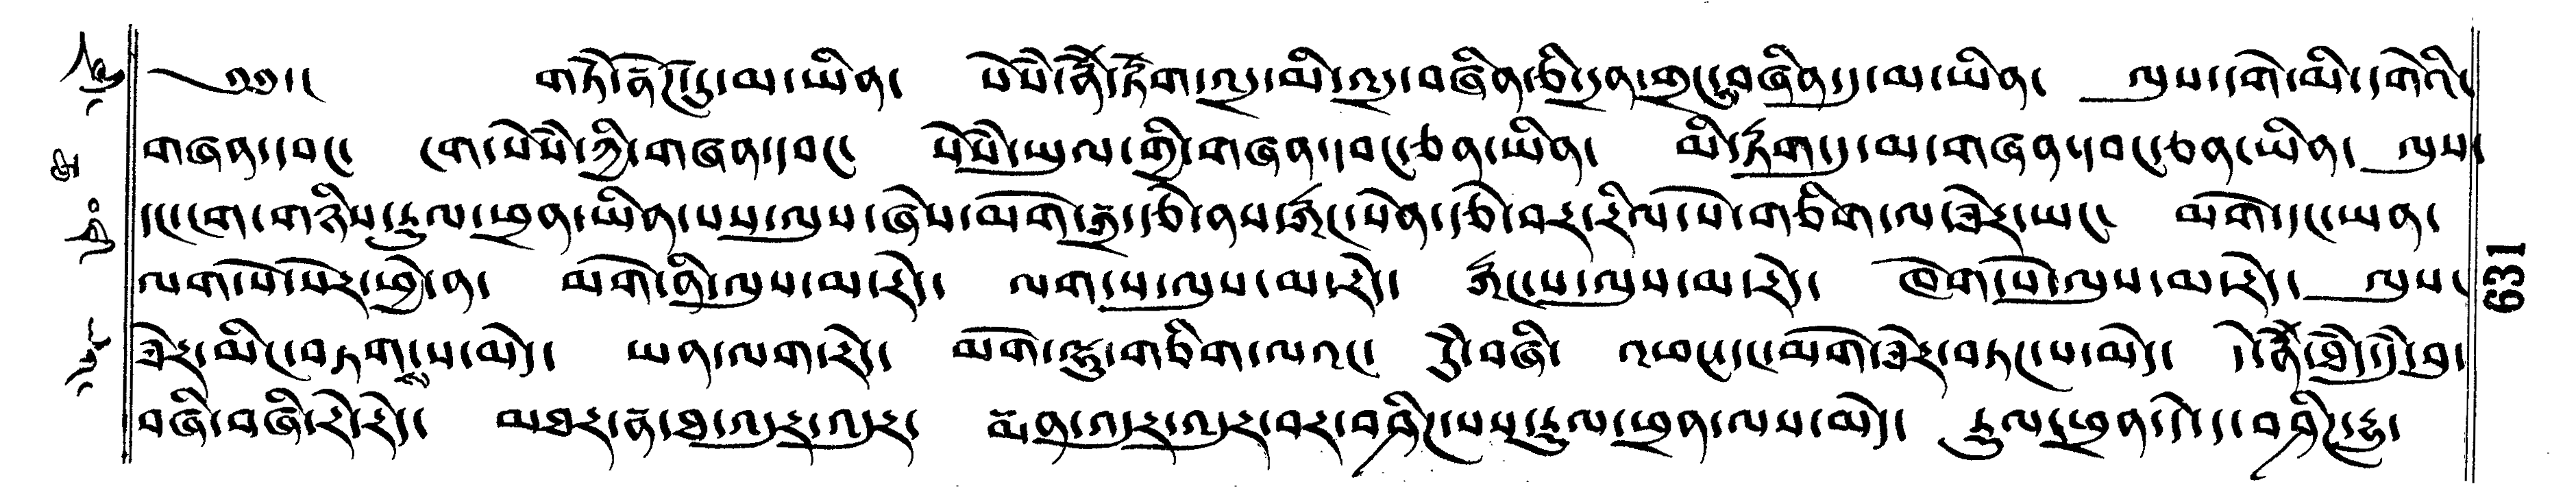གཏམ་སྣ་ཚོགས་དུ་མ་ཡིན། སེམས་རྣམ་རྟོག་འདྲ་མི་འདྲ་བཞིན་ཅི་དྲན་གྲངས་བཞིན་དུ་མ་ཡིན། ལུས་དགེ་མི་དགེའི་
གཞན་དབང་། ངག་སེམས་ཀྱི་གཞན་དབང་། སེམས་ཡུལ་གྱི་གཞན་དབང་ཅན་ཡིན།མི་རྟག་དུ་མ་གཞན་དབང་ཅན་ཡིན། ལུས་
དང་ངག་གཉིས་རྡུལ་ཕྲན་ཡིན་པས་ལུས་ཞེས་མགོ་སྐྲ་རྩེ་ནས་རྐང་སེན་རྩེ་བར་རིལ་པོ་གཅིག་ལ་ཟེར་ཡང་། མགོ་དང་ཡན་
ལག་སོ་སོར་ཕྱེ་ན། མགོ་ནི་ལུས་མ་རེད། ལག་པ་ལུས་མ་རེད། རྐང་པ་ལུས་མ་རེད། ཁོག་པ་ལུས་མ་རེད། ལུས་
ཟེར་མིང་འདོགས་ས་མེད། ཡན་ལག་རེད། མགོ་ (ལྷུ་ ? )ལྟ་བུ་གཅིག་ལའང་དུམ་བཞི། ( འཕང་ ? )དང་མགོ་ཟེར་བཏགས་ས་མེད། དེ་རྣམས་ཐམས་ཅད་དུམ་བུ་
བཞི་བཞི་རེ་རེད། མཐར་སྣ་ཐ་འདུལ་འདུལ་ ( འདུར་འདུར ? )། སྨན་འདུལ་འདུལ་ ( འདུར་འདུར་ ? )བར་བཤིག་པས་རྡུལ་ཕྲན་ལས་མེད། རྡུལ་ཕྲན་དེ་དག་བཤིག་རྒྱུ་